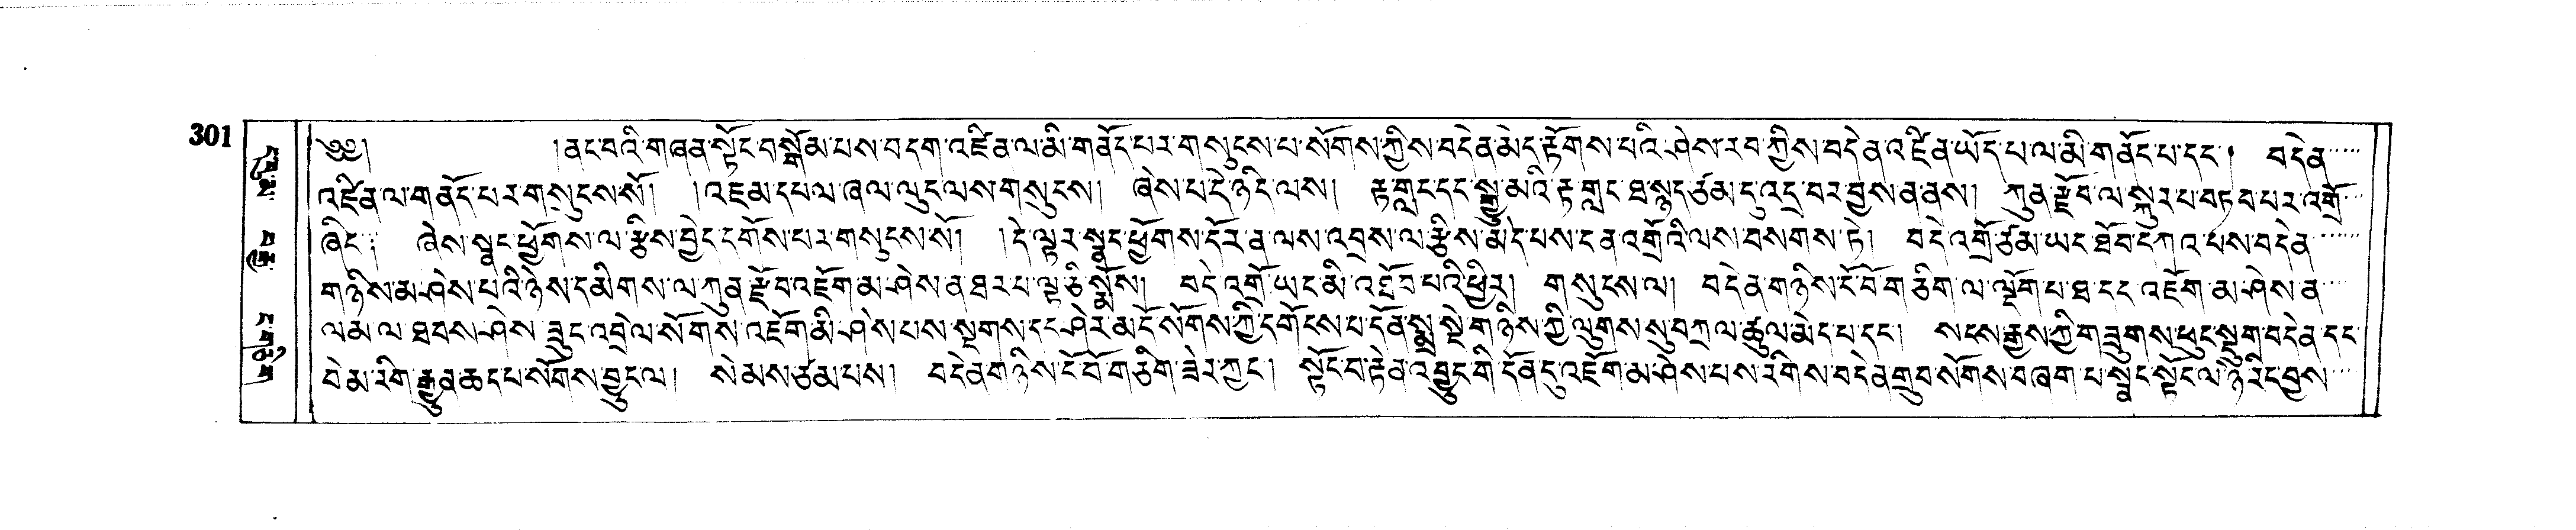༄༅། །ནང་བའི་གཞན་སྟོང་བསྒོམ་པས་བདག་འཛིན་ལ་མི་གནོད་པར་གསུངས་པ་སོགས་ཀྱིས་བདེན་མེད་རྟོགས་པའི་ཤེས་རབ་ཀྱིས་བདེན་འཛིན་ཡོད་པ་ལ་མི་གནོད་པ་དང་། བདེན་
འཛིན་ལ་གནོད་པར་གསུངས་སོ། །འཇམ་དཔལ་ཞལ་ལུང་ལས་གསུངས། ཞེས་པ་དེ་ཉིད་ལས། རྟ་གླང་དང་སྒྱུ་མའི་རྟ་གླང་ཐ་སྙད་ཙམ་དུ་འདྲ་བར་བྱས་ན་ནས། ཀུན་རྫོབ་ལ་སྐུར་པ་བཏབ་པར་འགྲོ་
ཞིང་། ཞེས་སྣང་ཕྱོགས་ལ་རྩིས་བྱེད་དགོས་པར་གསུངས་སོ། །དེ་ལྟར་སྣང་ཕྱོགས་དོར་ན་ལས་འབྲས་ལ་རྩིས་མེད་པས་ངན་འགྲོའི་ལས་བསགས་ཏེ། བདེ་འགྲོ་ཙམ་ཡང་ཐོབ་དཀའ་པས་བདེན་
གཉིས་མ་ཤེས་པའི་ཉེས་དམིགས་ལ་ཀུན་རྫོབ་འཇོག་མ་ཤེས་ན་ཐར་པ་ལྟ་ཅི་སྨོས། བདེ་འགྲོ་ཡང་མི་འཐོབ་པའི་ཕྱིར། གསུངས་ལ། བདེན་གཉིས་ངོ་བོ་གཅིག་ལ་ལྡོག་པ་ཐ་དད་འཇོག་མ་ཤེས་ན་
ལམ་ལ་ཐབས་ཤེས་ཟུང་འབྲེལ་སོགས་འཇོག་མི་ཤེས་པས་སྔགས་དང་ཤེར་མདོ་སོགས་ཀྱི་དགོངས་པ་དོན་སྨྲ་སྡེ་གཉིས་ཀྱི་ལུགས་སུ་བཀྲལ་ཚུལ་མེད་པ་དང་། སངས་རྒྱས་ཀྱི་གཟུགས་ཕུང་སྡུག་བདེན་དང་
བེམ་རིག་རྒྱུན་ཆད་པ་སོགས་བྱུང་ལ། སེམས་ཙམ་པས། བདེན་གཉིས་ངོ་བོ་གཅིག་ཟེར་ཀྱང་། སྟོང་བ་རྟེན་འབྱུང་གི་དོན་དུ་འཇོག་མ་ཤེས་པས་རིགས་བདེན་གྲུབ་སོགས་བཞག་པ་སྣང་སྟོང་ལ་ཉེ་རིང་བྱས་